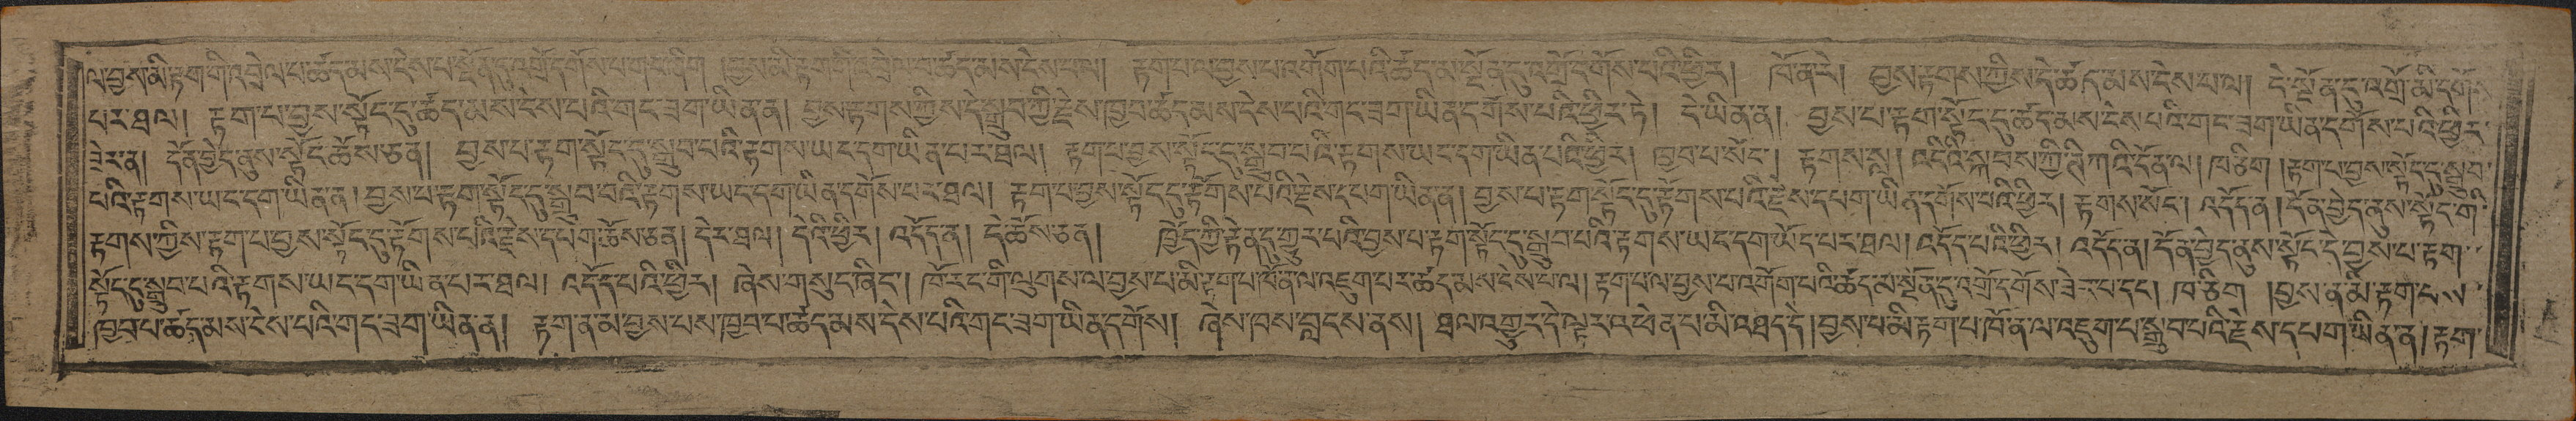ལ་བྱས་མི་རྟག་གི་འབྲེལ་པ་ཚད་མས་ངེས་པ་སྔོན་དུ་འགྲོ་དགོས་པ་གང་ཞིག །བྱས་མི་རྟག་གི་འབྲེལ་བ་ཚད་མས་ངེས་པ་ལ། རྟག་པ་ལ་བྱས་པ་འགོག་པའི་ཚད་མ་སྔོན་དུ་འགྲོ་དགོས་པའི་ཕྱིར། ཁོ་ན་རེ། བྱས་རྟགས་ཀྱིས་དེ་ཚད་མས་ངེས་པ་ལ། དེ་སྔོན་དུ་འགྲོ་མི་དགོས་
པར་ཐལ། རྟག་པ་བྱས་སྟོང་དུ་ཚད་མས་ངེས་པའི་གང་ཟག་ཡིན་ན། བྱས་རྟགས་ཀྱིས་དེ་སྒྲུབ་ཀྱི་རྗེས་ཁྱབ་ཚད་མས་ངེས་པའི་གང་ཟག་ཡིན་དགོས་པའི་ཕྱིར་ཏེ། དེ་ཡིན་ན། བྱས་པ་རྟག་སྟོང་དུ་ཚད་མས་ངེས་པའི་གང་ཟག་ཡིན་དགོས་པའི་ཕྱིར་
ཟེར་ན། དོན་བྱེད་ནུས་སྟོང་ཆོས་ཅན། བྱས་པ་རྟག་སྟོང་དུ་སྒྲུབ་པའི་རྟགས་ཡང་དག་ཡིན་པར་ཐལ། རྟག་པ་བྱས་སྟོང་དུ་སྒྲུབ་པའི་རྟགས་ཡང་དག་ཡིན་པའི་ཕྱིར། ཁྱབ་པ་སོང་། རྟགས་སླ། འདིའི་སྐབས་ཀྱི་ཊིཀའི་དོན་ལ། ཁ་ཅིག །རྟག་པ་བྱས་སྟོང་དུ་སྒྲུབ་
པའི་རྟགས་ཡང་དག་ཡིན་ན། བྱས་པ་རྟག་སྟོང་དུ་སྒྲུབ་པའི་རྟགས་ཡང་དག་ཡིན་དགོས་པར་ཐལ། རྟག་པ་བྱས་སྟོང་དུ་རྟོགས་པའི་རྗེས་དཔག་ཡིན་ན། བྱས་པ་རྟག་སྟོང་དུ་རྟོགས་པའི་རྗེས་དཔག་ཡིན་དགོས་པའི་ཕྱིར། རྟགས་སོང་། འདོད་ན། དོན་བྱེ་ནུས་སྟོང་གི་
རྟགས་ཀྱིས་རྟག་པ་བྱས་སྟོང་དུ་རྟོགས་པའི་རྗེས་དཔག་ཆོས་ཅན། དེར་ཐལ། དེའི་ཕྱིར། འདོད་ན། དེ་ཆོས་ཅན། ཁྱོད་ཀྱི་རྟེན་དུ་གྱུར་པའི་བྱས་པ་རྟག་སྟོང་དུ་སྒྲུབ་པའི་རྟགས་ཡང་དག་ཡོད་པར་ཐལ། འདོད་པའི་ཕྱིར། འདོད་ན། དོན་བྱེད་ནུས་སྟོང་དེ་བྱས་པ་རྟག་
སྟོང་དུ་སྒྲུབ་པའི་རྟགས་ཡང་དག་ཡིན་པར་ཐལ། འདོད་པའི་ཕྱིར། ཞེས་གསུངས་ཤིང་། ཁོ་རང་གི་ལུགས་ལ་བྱས་པ་མི་རྟག་པ་ཁོ་ན་ལ་འཇུག་པར་ཚད་མས་ངེས་པ་ལ། རྟག་པ་ལ་བྱས་པ་འགོག་པའི་ཚད་མ་སྔོན་དུ་འགྲོ་དགོས་ཟེར་བ་དང་། ཁ་ཅིག །བྱས་ན་མི་རྟག་པས་
ཁྱབ་པ་ཚད་མས་ངེས་པའི་གང་ཟག་ཡིན་ན། རྟག་ན་མ་བྱས་པས་ཁྱབ་པ་ཚད་མས་ངེས་པའི་གང་ཟག་ཡིན་དགོས། ཞེས་ཁས་བླངས་ནས། ཐལ་འགྱུར་དེ་ལྟར་འཕེན་པ་མི་འཐད་དེ། བྱས་པ་མི་རྟག་པ་ཁོ་ན་ལ་འཇུག་པ་སྒྲུབ་པའི་རྗེས་དཔག་ཡིན་ན། རྟག་